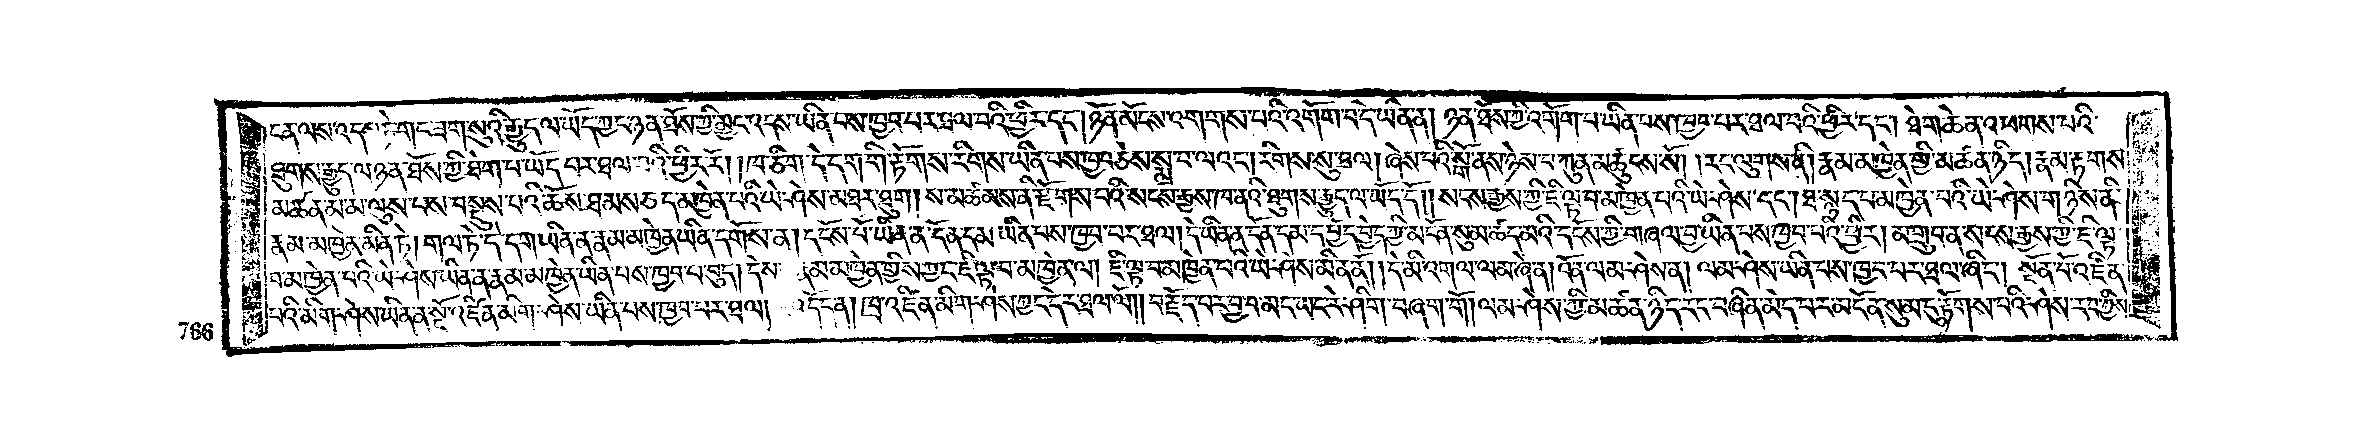ངན་ལས་འདས་ཏེ་གང་ཟག་སུའི་རྒྱུད་ལ་ཡོད་ཀྱང་ཉན་ཐོས་ཀྱི་མྱང་འདས་ཡིན་པས་ཁྱབ་པར་ཐལ་བའི་ཕྱིར་དང་། ཉོན་མོངས་འགགས་པའི་འགོག་པ་དེ་ཡིན་ན། ཉན་ཐོས་ཀྱི་འགོག་པ་ཡིན་པས་ཁྱབ་པར་ཐལ་བའི་ཕྱིར་དང་། ཐེག་ཆེན་འཕགས་པའི་
ཐུགས་རྒྱུད་ལ་ཉན་ཐོས་ཀྱི་ཐེག་པ་ཡོད་པར་ཐལ་བའི་ཕྱིར་རོ། །ཁ་ཅིག་དེ་དག་གི་རྟོགས་རིགས་ཡིན་པས་ཁྱབ་ཅེས་སྨྲ་བ་ལའང་། རིགས་སུ་ཐལ། ཞེས་པའི་སྒོ་ནས་ཉེས་པ་ཀུན་མཚུངས་སོ། །རང་ལུགས་ནི། རྣམ་མཁྱེན་གྱི་མཚན་ཉིད། རྣམ་རྟགས་
མཚན་མ་མ་ལུས་པས་བསྡུས་པའི་ཆོས་ཐམས་ཅད་མཁྱེན་པའི་ཡེ་ཤེས་མཐར་ཐུག། ས་མཚམས་ནི་རྫོགས་པའི་སངས་རྒྱས་ཁོ་ནའི་ཐུགས་རྒྱུད་ལ་ཡོད་དོ། །སངས་རྒྱས་ཀྱི་ཇི་ལྟ་བ་མཁྱེན་པའི་ཡེ་ཤེས་དང་། ཐ་སྙད་པ་མཁྱེན་པའི་ཡེ་ཤེས་གཉིས་ནི་
རྣམ་མཁྱེན་མིན་ཏེ། གལ་ཏེ་དེ་དག་ཡིན་ན་རྣམ་མཁྱེན་ཡིན་དགོས་ན། དངོས་པོ་ཡིན་ན་དོན་དམ་ཡིན་པས་ཁྱབ་པར་ཐལ། དེ་ཡིན་ན་དོན་དམ་དཔྱོད་བྱེད་ཀྱི་མངོན་སུམ་ཚད་མའི་དངོས་ཀྱི་གཞལ་བྱ་ཡིན་པས་ཁྱབ་པའི་ཕྱིར། མ་གྲུབ་ན་སངས་རྒྱས་ཀྱི་ཇི་ལྟ་
བ་མཁྱེན་པའི་ཡེ་ཤེས་ཡིན་ན་རྣམ་མཁྱེན་ཡིན་པས་ཁྱབ་པ་བུད། དེས་ན་རྣམ་མཁྱེན་གྱིས་ཀྱང་ཇི་ལྟ་བ་མཁྱེན་ལ། ཇི་ལྟ་བ་མཁྱེན་པའི་ཡེ་ཤེས་མིན་ནོ། །དེ་མི་འགལ་ལམ་ཞེ་ན། འོ་ན་ལམ་ཤེས་ན། ལམ་ཤེས་ཡིན་པས་ཁྱབ་པར་ཐལ་ཞིང་། སྔོན་པོ་འཛིན་
པའི་མིག་ཤེས་ཡིན་ན་སྔོ་འཛིན་མིག་ཤེས་ཡིན་པས་ཁྱབ་པར་ཐལ། དེ་འདོད་ན། ཁྲ་འཛིན་མིག་ཤེས་ཀྱང་དེར་ཐལ་ལོ། །བརྗོད་པར་བྱ་བ་མང་ཡང་རེ་ཤིག་བཞག་གོ། ལམ་ཤེས་ཀྱི་མཚན་ཉིད་རང་བཞིན་མེད་པར་མངོན་སུམ་དུ་རྟོགས་པའི་ཤེས་རབ་ཀྱི་